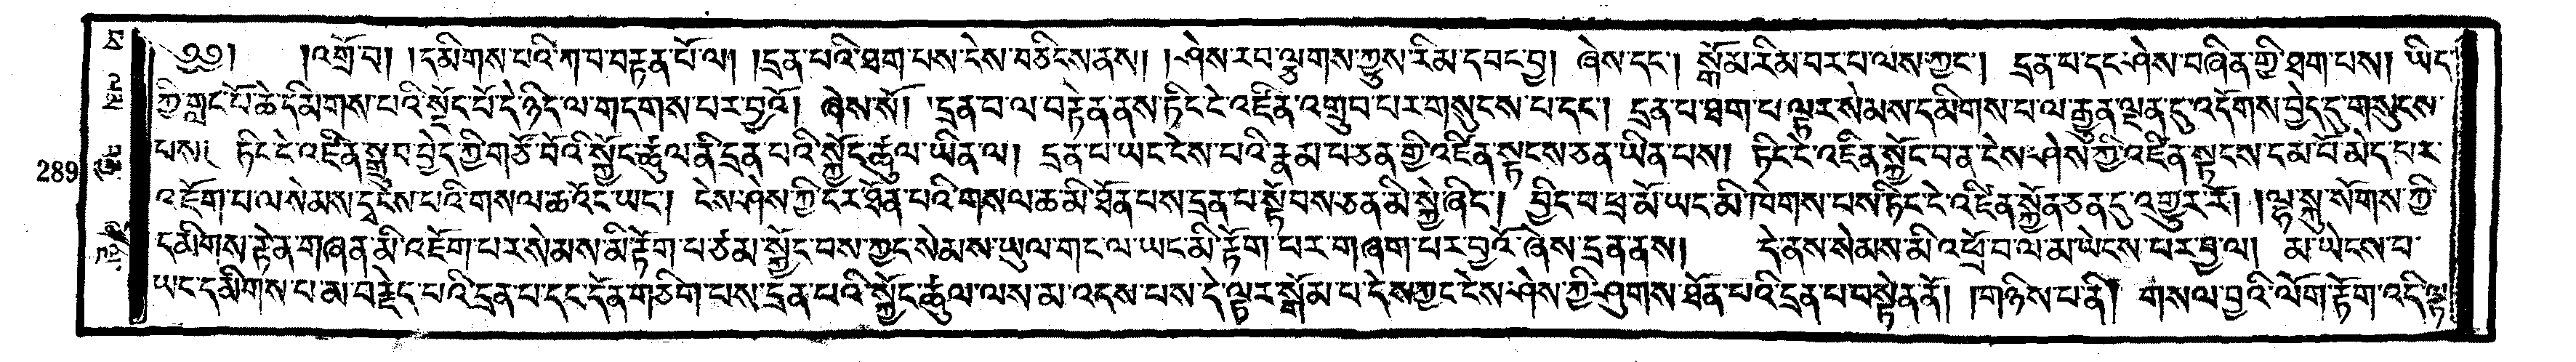༄༅། །འགྲོ་བ། །དམིགས་པའི་ཀ་བ་བརྟན་པོ་ལ། །དྲན་པའི་ཐག་པས་དེས་བཅིངས་ནས། །ཤེས་རབ་ལྕགས་ཀྱུས་རིམ་དབང་བྱ། ཞེས་དང་། སྒོམ་རིམ་བར་པ་ལས་ཀྱང་། དྲན་པ་དང་ཤེས་བཞིན་གྱི་ཐག་པས། ཡིད་
ཀྱི་གླང་པོ་ཆེ་དམིགས་པའི་སྡོང་པོ་དེ་ཉིད་ལ་གདགས་པར་བྱའོ། ཞེས་སོ། །དྲན་པ་ལ་བརྟེན་ནས་ཏིང་ངེ་འཛིན་འགྲུབ་པར་གསུངས་པ་དང་། དྲན་པ་ཐག་པ་ལྟར་སེམས་དམིགས་པ་ལ་རྒྱུན་ལྡན་དུ་འདོགས་བྱེད་དུ་གསུངས་
པས༑ ཏིང་ངེ་འཛིན་སྒྲུབ་བྱེད་ཀྱི་གཙོ་བོའི་སྐྱོང་ཚུལ་ནི་དྲན་པའི་སྐྱོང་ཚུལ་ཡིན་ལ། དྲན་པ་ཡང་ངེས་པའི་རྣམ་པ་ཅན་གྱི་འཛིན་སྟངས་ཅན་ཡིན་པས། ཏིང་ངེ་འཛིན་སྐྱོང་བ་ན་ངེས་ཤེས་ཀྱི་འཛིན་སྟངས་དམ་པོ་མེད་པར་
འཇོག་པ་ལ་སེམས་དྭངས་པའི་གསལ་ཆ་འོང་ཡང་། ངེས་ཤེས་ཀྱི་ངར་ཐོན་པའི་གསལ་ཆ་མི་ཐོན་པས་དྲན་པ་སྟོབས་ཅན་མི་སྐྱེ་ཞིང་། བྱིང་བ་ཕྲ་མོ་ཡང་མི་ཁེགས་པས་ཏིང་ངེ་འཛིན་སྐྱོན་ཅན་དུ་འགྱུར་རོ། །ལྷ་སྐུ་སོགས་ཀྱི་
དམིགས་རྟེན་གཞན་མི་འཇོག་པར་སེམས་མི་རྟོག་པ་ཙམ་སྐྱོང་བས་ཀྱང་སེམས་ཡུལ་གང་ལ་ཡང་མི་རྟོག་པར་གཞག་པར་བྱའོ་ཞེས་དྲན་ནས། དེ་ནས་སེམས་མི་འཕྲོ་བ་ལ་མ་ཡེངས་པར་བྱ་ལ། མ་ཡེངས་པ་
ཡང་དམིགས་པ་མ་བརྗེད་པའི་དྲན་པ་དང་དོན་གཅིག་པས་དྲན་པའི་སྐྱོང་ཚུལ་ལས་མ་འདས་པས་དེ་ལྟར་སྒོམ་པ་དེས་ཀྱང་ངེས་ཤེས་ཀྱི་ཤུགས་ཐོན་པའི་དྲན་པ་བསྟེན་ནོ། །གཉིས་པ་ནི། གསལ་བྱའི་ལོག་རྟོག་འདི་ལྟ་